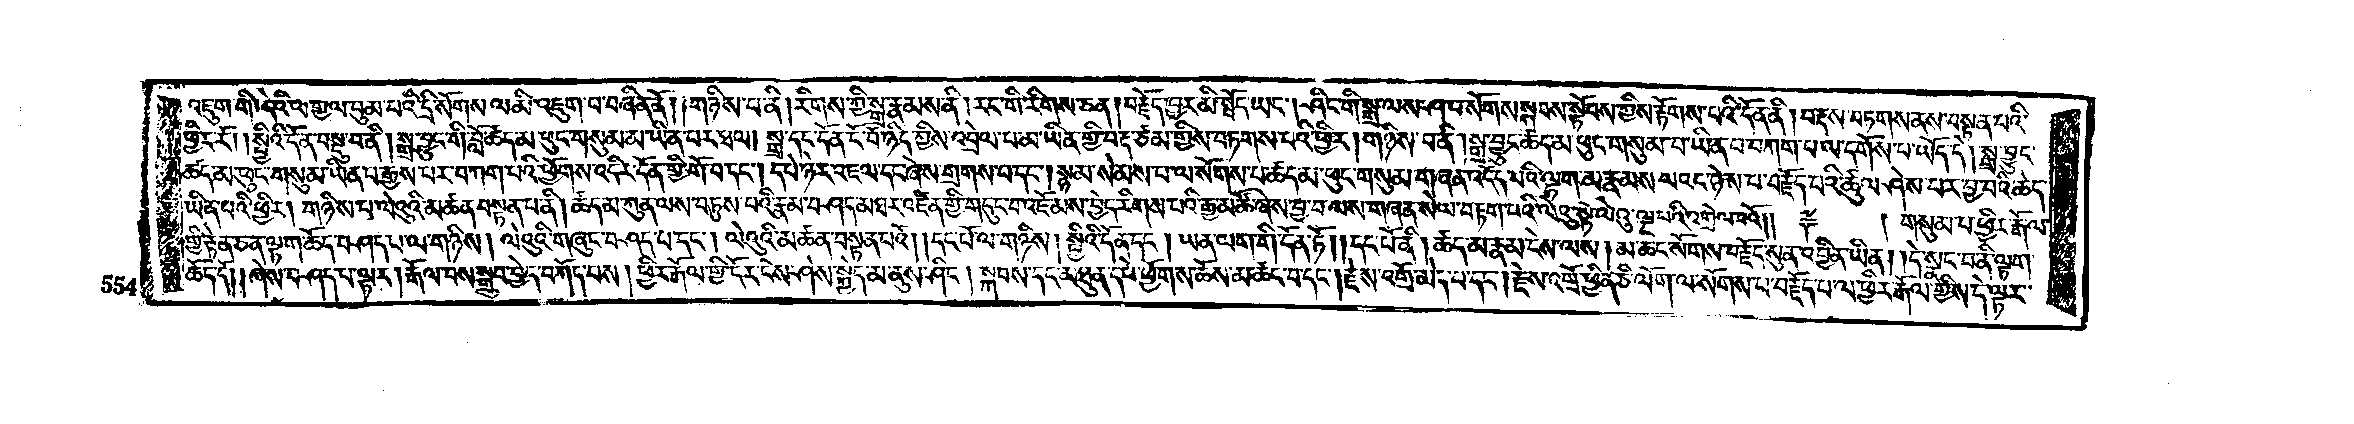འཇུག་གི་དེའི་ལ་གྱལ་བུམ་པའི་དྲི་སོགས་ལ་མི་འཇུག་པ་བཞིན་ནོ། །གཉིས་པ་ནི། རིགས་ཀྱི་སྒྲ་རྣམས་ནི། རང་གི་རིགས་ཅན། བརྗོད་བྱར་མི་སྤོང་ཡང་། ཤིང་གི་སྒྲ་ལས་ཤ་པ་སོགས་སྐབས་སྟོབས་ཀྱིས་རྟོགས་པའི་དོན་ནི། བརྡས་བཏགས་ནས་བསྟན་པའི་
ཕྱིར་རོ། །སྤྱིའི་དོན་བསྡུ་བ་ནི། སྒྲ་བྱུང་གི་བློ་ཚད་མ་ཕུང་གསུམ་མ་ཡིན་པར་ཐལ། སྒྲ་དང་དོན་ངོ་བོ་ཉིད་ཀྱིས་འབྲེལ་པ་མ་ཡིན་གྱི་བརྡ་ཙམ་གྱིས་བཏགས་པའི་ཕྱིར། གཉིས་པ་ནི། སྒྲ་བྱུང་ཚད་མ་ཕུང་གསུམ་པ་ཡིན་པ་བཀག་པ་ལ་དགོས་པ་ཡོད་དེ། སྒྲ་བྱུང་
ཚད་མ་ཕུང་གསུམ་ཡིན་པར་བཀག་པའི་ཕྱོགས་འདིར་དོན་གྱི་གོ་བ་དང་། དཔེ་ཉེར་འཇལ་དང་ཞེས་གྲགས་པ་དང་། སྙམ་སེམས་ལ་ལ་སོགས་པ་ཚད་མ་ཕུང་གསུམ་གཞན་འདོད་པའི་ལྷག་མ་རྣམས་ལའང་ཉེས་པ་བརྗོད་པའི་ཚུལ་ཤེས་པར་བྱ་བའི་ཆེད་
ཡིན་པའི་ཕྱིར། གཉིས་པ་ལེའུའི་མཚན་བསྟན་པ་ནི། ཚད་མ་ཀུན་ལས་བཏུས་པའི་རྣམ་བཤད་མཐར་འཛིན་གྱི་གདུང་བ་འཇོམས་བྱེད་རིགས་པའི་རྒྱ་མཚོ་ཞེས་བྱ་བ་ལས་གཞན་སེལ་བ་རྟག་པའི་ལེའུ་སྟེ་ལེའུ་ལྔ་པའི་འགྲེལ་པའོ།། ༈ །།གསུམ་པ་ཕྱིར་རྒོལ་
གྱི་རྟེན་ཅན་ལྟག་ཆོད་བཤད་པ་ལ་གཉིས། ལེའུའི་གཞུང་བཤད་པ་དང་། ལེའུའི་མཚན་བསྟན་པའོ། །དང་པོ་ལ་གཉིས། སྤྱིའི་དོན་དང་། ཡན་ལག་གི་དོན་ཏོ། །དང་པོ་ནི། ཚད་མ་རྣམ་ངེས་ལས། མ་ཆང་སོགས་བརྗོད་སུན་འབྱིན་ཡིན། །དེ་སྣང་བ་ནི་ལྟག་
ཆོད་དོ། །ཞེས་བཤད་པ་ལྟར། རྒོལ་བས་སྒྲུབ་བྱེད་བཀོད་པས། ཕྱིར་རྒོལ་གྱི་ངོར་ངེས་ཤེས་སྐྱེད་མ་ནུས་ཤིང་། སྐབས་དང་མཐུན་དཔེ་ཕྱོགས་ཆོས་མ་ཚང་བ་དང་། རྗེས་འགྲོ་མེད་པ་དང་། རྗེས་འགྲོ་ཕྱིན་ཅི་ལོག་ལ་སོགས་པ་བརྗོད་པ་ལ་ཕྱིར་རྒོལ་གྱིས་དེ་ལྟར་